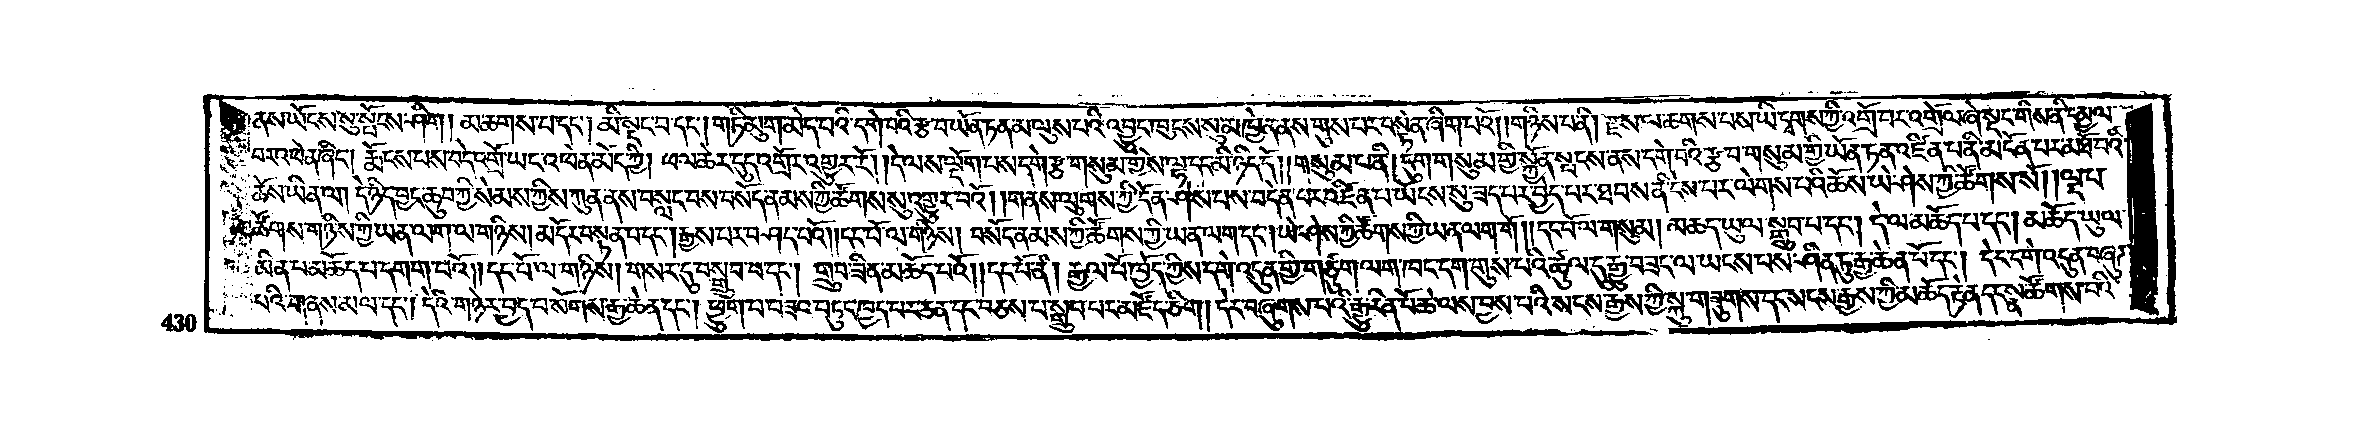ནས་ཡོངས་སུ་སྤོངས་ཤིག །མ་ཆགས་པ་དང་། མི་སྡང་བ་དང་། གཏི་མུག་མེད་པའི་དགེ་བའི་རྩ་བ་ཡོན་ཏན་མ་ལུས་པའི་འབྱུང་ཁུངས་སུ་མཁྱེན་ནས་གུས་པར་བསྟེན་ཞིག་པའོ། །གཉིས་པ་ནི། རྫས་ལ་ཆགས་པས་ཡི་དྭགས་ཀྱི་འགྲོ་བར་འགྲོ་ལ་ཞེ་སྡང་གིས་ནི་དམྱལ་
བར་འཕེན་ཞིང་། རྨོངས་པས་བདེ་འགྲོ་ཡང་འཕེན་མོད་ཀྱི། ཕལ་ཆེར་དུད་འགྲོར་འགྱུར་རོ། །དེ་ལས་ལྡོག་པས་དགེ་རྩ་གསུམ་གྱིས་ལྷ་དང་མི་ཉིད་དོ། །གསུམ་པ་ནི། དུག་གསུམ་གྱི་སྐྱོན་སྤངས་ནས་དགེ་བའི་རྩ་བ་གསུམ་གྱི་ཡོན་ཏན་འཛིན་པ་ནི་མངོན་པར་མཐོ་བའི་
ཆོས་ཡིན་ལ། དེ་ཉིད་བྱང་ཆུབ་ཀྱི་སེམས་ཀྱིས་ཀུན་ནས་བསླང་བས་བསོད་ནམས་ཀྱི་ཚོགས་སུ་འགྱུར་བའོ། །གནས་ལུགས་ཀྱི་དོན་ཤེས་པས་བདེན་པར་འཛིན་པ་ཡོངས་སུ་ཟད་པར་བྱེད་པར་ཐབས་ནི་ངེས་པར་ལེགས་པའི་ཆོས་ཡེ་ཤེས་ཀྱི་ཚོགས་སོ། །ལྔ་པ་
ཚོགས་གཉིས་ཀྱི་ཡན་ལག་ལ་གཉིས། མདོར་བསྟན་པ་དང་། རྒྱས་པར་བཤད་པའོ། །དང་པོ་ལ་གཉིས། བསོད་ནམས་ཀྱི་ཚོགས་ཀྱི་ཡན་ལག་དང་། ཡེ་ཤེས་ཀྱི་ཚོགས་ཀྱི་ཡན་ལག་གོ། །དང་པོ་ལ་གསུམ། མཆད་ཡུལ་སྒྲུབ་པ་དང་། དེ་ལ་མཆོད་པ་དང་། མཆོད་ཡུལ་
མིན་པ་མཆོད་པ་དགག་པའོ། །དང་པོ་ལ་གཉིས། གསར་དུ་བསྒྲུབ་པ་དང་། གྲུབ་ཟིན་མཆོད་པའོ། །དང་པོ་ནི། རྒྱལ་པོ་ཁྱོད་ཀྱིས་དགེ་འདུན་གྱི་གཙུག་ལག་ཁང་དག་གུས་པའི་ཚུལ་དུ་རྒྱུ་བཟང་ལ་ཡངས་པས་ཤིན་ཏུ་རྒྱ་ཆེན་པོ་དང་། དེང་དགེ་འདུན་བཞུགས་
པའི་གནས་མ་ལ་དང་། དེའི་གཉེར་བྱད་པ་སོགས་རྒྱ་ཆེན་དང་། ཕྱུག་པ་བཟའ་བཏུང་ཁྱད་པར་ཅན་དང་བཅས་པ་སྒྲུབ་པར་མཛོད་ཅིག །དེར་བཞུགས་པའི་རྒྱུ་རིན་པོ་ཆེ་ལས་བྱས་པའི་སངས་རྒྱས་ཀྱི་སྐུ་གཟུགས་དང་སངས་རྒྱས་ཀྱི་མཆོད་རྟེན་དང་སྣ་ཚོགས་པའི་